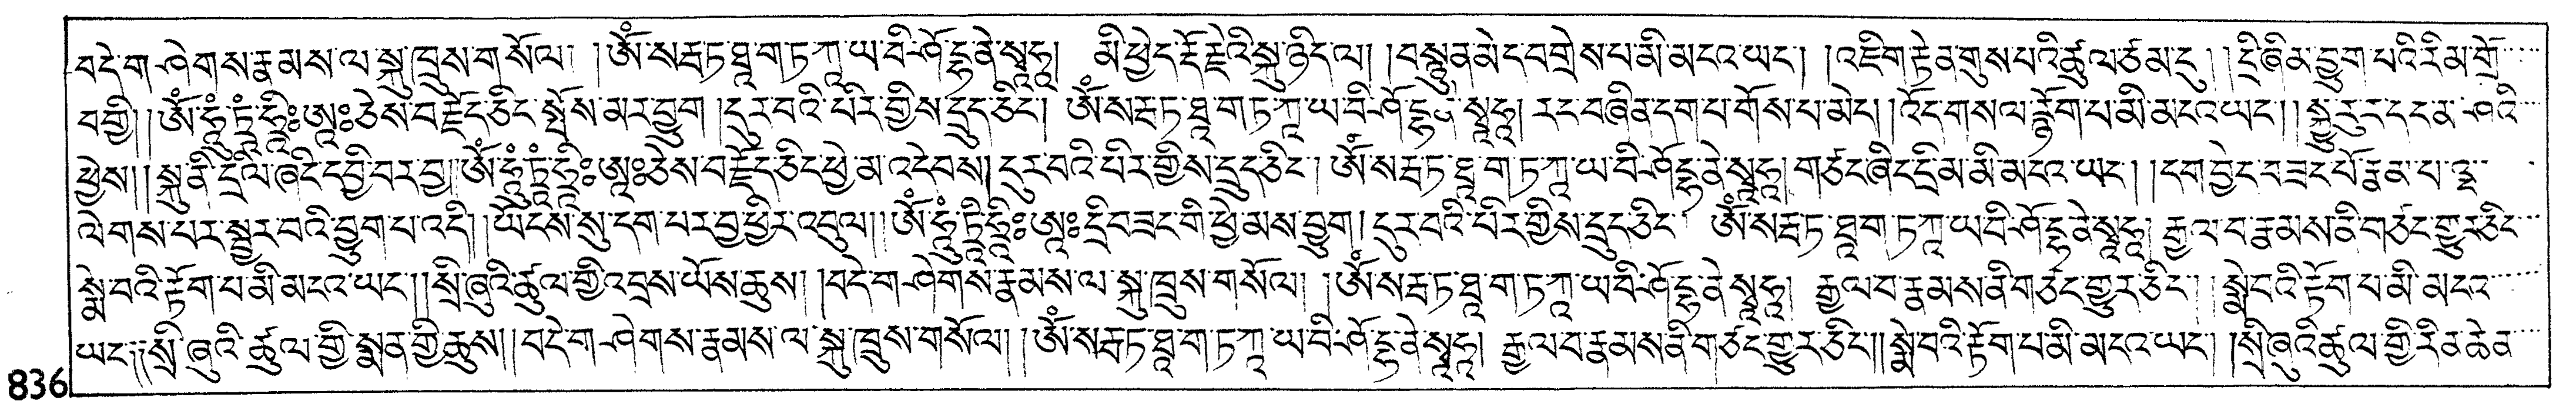བདེ་གཤེགས་རྣམས་ལ་སྐུ་ཁྲུས་གསོལ། །ཨོཾ་སརྦ་ཏ་ཐཱ་ག་ཏ་ཀཱ་ཡ་བི་ཤོ་དྷ་ནེ་སྭཱཧཱ། མི་ཕྱེད་རྡོ་རྗེའི་སྐུ་ཉིད་ལ། །བསྙུན་མེད་བགྲེས་པ་མི་མངའ་ཡང་། །འཇིག་རྟེན་གུས་པའི་ཚུལ་ཙམ་དུ། །དྲི་ཞིམ་བྱུག་པའི་རིམ་གྲོ་
བགྱི། །ཨོཾ་ཧཱུཾ་ཏྲཱཾ་ཧྲཱིཿ ཨཱཿ ཅེས་བརྗོད་ཅིང་སྤོས་མར་བྱུག །དུར་བའི་པིར་གྱིས་དྲུད་ཅིང་། ཨོཾ་སརྦ་ཏ་ཐཱ་ག་ཏ་ཀཱ་ཡ་བི་ཤོ་དྷ་ནེ་སྭཱཧཱ། རང་བཞིན་དག་པ་གོས་པ་མེད། །འོད་གསལ་རྙོག་པ་མི་མངའ་ཡང་། །སྐྱུ་རུ་ར་དང་མ་ཤའི་
ཕྱེས། །སྐུ་ནི་དྲིལ་ཞིང་དབྱི་བར་བྱ། །ཨོཾ་ཧཱུཾ་ཏྲཱཾ་ཧྲཱིཿ ཨཱཿ ཅེས་བརྗོད་ཅིང་ཕྱེ་མ་འདེབས། དུར་བའི་པིར་གྱིས་དྲུད་ཅིང་། ཨོཾ་སརྦ་ཏ་ཐཱ་ག་ཏ་ཀཱ་ཡ་བི་ཤོ་དྷ་ནེ་སྭཱཧཱ། གཙང་ཞིང་དྲི་མ་མི་མངའ་ཡང་། །དག་བྱེད་བཟང་པོ་རྣམ་པ་ལྔ། །
ལེགས་པར་སྦྱར་བའི་བྱུག་པ་འདི། །ཡོངས་སུ་དག་པར་བྱ་ཕྱིར་འབུལ། །ཨོཾ་ཧཱུཾ་ཏྲཱི་ཧྲཱིཿ ཨཱཿ དྲི་བཟང་གི་ཕྱེ་མས་བྱུག །དུར་བའི་པིར་གྱིས་དྲུད་ཅིང་། ཨོཾ་སརྦ་ཏ་ཐཱ་ག་ཏ་ཀཱ་ཡ་བི་ཤོ་དྷ་ནེ་སྭཱཧཱ། རྒྱལ་བ་རྣམས་ནི་གཙང་གྱུར་ཅིང།།
སྨེ་བའི་རྟོག་པ་མི་མངའ་ཡང་། །སྲི་ཞུའི་ཚུལ་གྱི་འབྲས་ཡོས་ཆུས། །བདེ་གཤེགས་རྣམས་ལ་སྐུ་ཁྲུས་གསོལ། །ཨོཾ་སརྦ་ཏ་ཐཱ་ག་ཏ་ཀཱ་ཡ་བི་ཤོ་དྷ་ནེ་སྭཱཧཱ། རྒྱལ་བ་རྣམས་ནི་གཙང་གྱུར་ཅིང་། །སྨེ་བའི་རྟོག་པ་མི་མངའ་
ཡང་། །སྲི་ཞུའི་ཚུལ་གྱི་སྨན་གྱི་ཆུས། །བདེ་གཤེགས་རྣམས་ལ་སྐུ་ཁྲུས་གསོལ། །ཨོཾ་སརྦ་ཏ་ཐཱ་ག་ཏ་ཀཱ་ཡ་བི་ཤོ་དྷ་ནེ་སྭཱཧཱ། རྒྱལ་བ་རྣམས་ནི་གཙང་གྱུར་ཅིང་། །སྨེ་བའི་རྟོག་པ་མི་མངའ་ཡང་། །སྲི་ཞུའི་ཚུལ་གྱི་རིན་ཆེན་